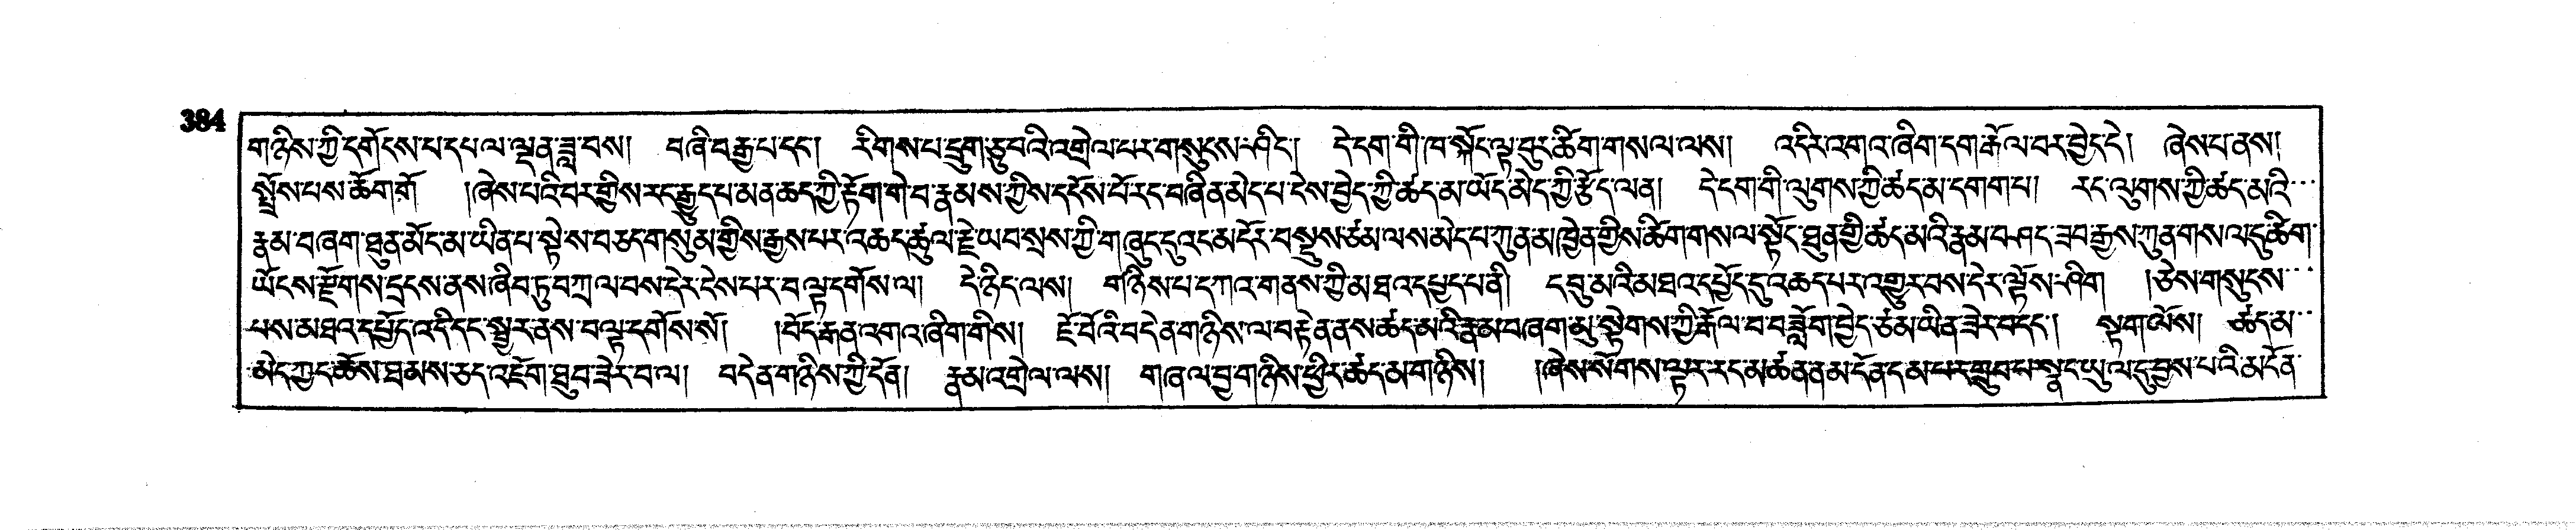གཉིས་ཀྱི་དགོངས་པ་དཔལ་ལྡན་ཟླ་བས། བཞི་བརྒྱ་པ་དང་། རིགས་པ་དྲུག་ཅུ་བའི་འགྲེལ་པར་གསུངས་ཤིང་། དེ་དག་གི་ཁ་སྐོང་ལྟ་བུར་ཚིག་གསལ་ལས། འདིར་འགའ་ཞིག་དག་རྒོལ་བར་བྱེད་དེ། ཞེས་པ་ནས།
སྤྲོས་པས་ཆོག་གོ །ཞེས་པའི་བར་གྱིས་རང་རྒྱུད་པ་མན་ཆད་ཀྱི་རྟོག་གེ་བ་རྣམས་ཀྱིས་དངོས་པོ་རང་བཞིན་མེད་པ་ངེས་བྱེད་ཀྱི་ཚད་མ་ཡོད་མེད་ཀྱི་རྩོད་ལན། དེ་དག་གི་ལུགས་ཀྱི་ཚད་མ་དགག་པ། རང་ལུགས་ཀྱི་ཚད་མའི་
རྣམ་བཞག་ཐུན་མོང་མ་ཡིན་པ་སྟེ་ས་བཅད་གསུམ་གྱིས་རྒྱས་པར་འཆད་ཚུལ་རྗེ་ཡབ་སྲས་ཀྱི་གཞུང་དུའང་མདོར་བསྡུས་ཙམ་ལས་མེད་པ་ཀུན་མཁྱེན་གྱིས་ཚིག་གསལ་སྟོང་ཐུན་གྱི་ཚད་མའི་རྣམ་བཤད་ཟབ་རྒྱས་ཀུན་གསལ་དུ་ཚིག་
ཡོངས་རྫོགས་དྲངས་ནས་ཞིབ་ཏུ་བཀྲལ་བས་དེར་ངེས་པར་བལྟ་དགོས་ལ། དེ་ཉིད་ལས། གཉིས་པ་དཀའ་གནས་ཀྱི་མཐའ་དཔྱད་པ་ནི། དབུ་མའི་མཐའ་དཔྱོད་དུ་འཆད་པར་འགྱུར་བས་དེར་ལྟོས་ཤིག །ཅེས་གསུངས་
པས་མཐའ་དཔྱོད་འདི་དང་སྦྱར་ནས་བལྟ་དགོས་སོ། །བོད་རྒན་འགའ་ཞིག་གིས། ཇོ་བོའི་བདེན་གཉིས་ལ་བརྟེན་ནས་ཚད་མའི་རྣམ་བཞག་མུ་སྟེགས་ཀྱི་རྒོལ་བ་བཟློག་བྱེད་ཙམ་ཡིན་ཟེར་བ་དང་། སྟག་ལོས། ཚད་མ་
མེད་ཀྱང་ཆོས་ཐམས་ཅད་འཇོག་ཐུབ་ཟེར་བ་ལ། བདེན་གཉིས་ཀྱི་དོན། རྣམ་འགྲེལ་ལས། གཞལ་བྱ་གཉིས་ཕྱིར་ཚད་མ་གཉིས། །ཞེས་སོགས་ལྟར་རང་མཚན་ནམ་དོན་དམ་པར་གྲུབ་པ་སྣང་ཡུལ་དུ་བྱས་པའི་མངོན་